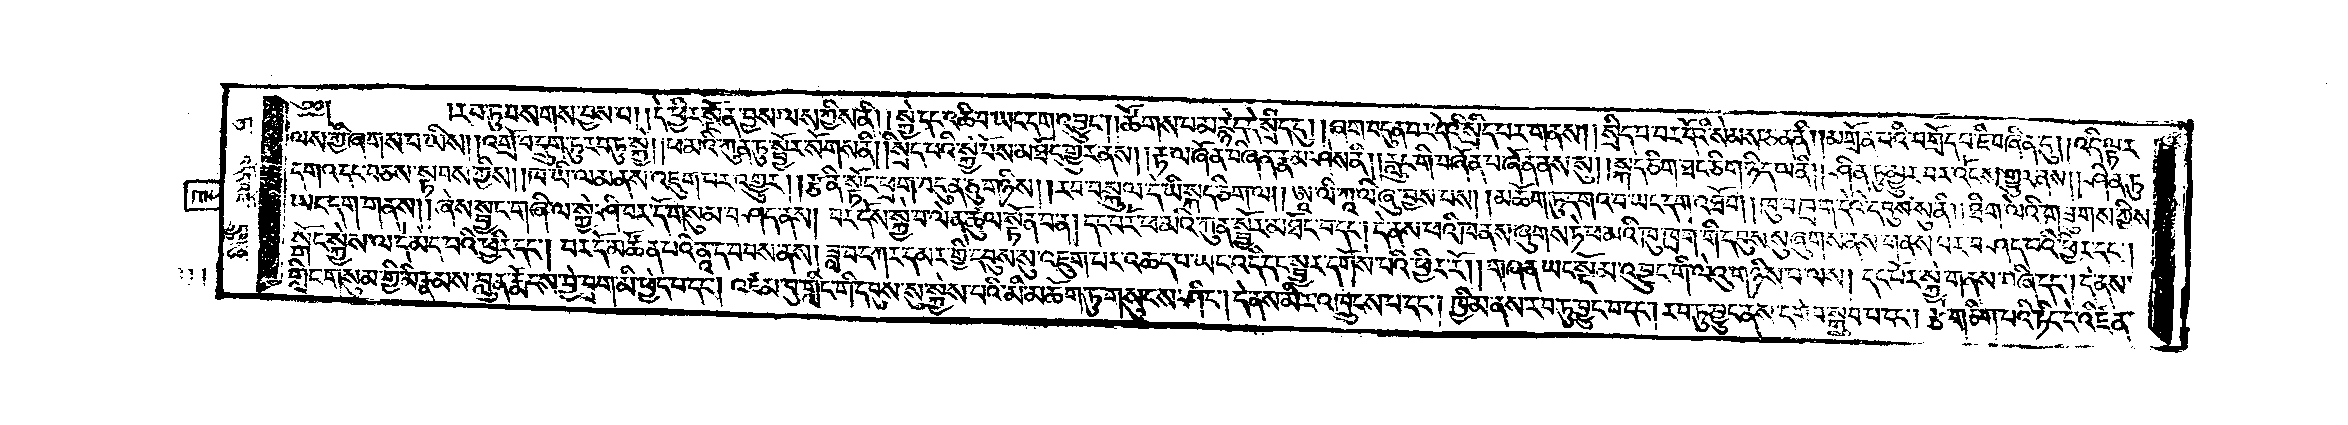༄༅། །རབ་ཏུ་བསགས་བྱས་པ། །དེ་ཕྱིར་སྔོན་བྱས་ལས་ཀྱིས་ནི། །སྐྱེ་དང་འཆི་བ་ཡང་དག་འབྱུང་། །ཚོགས་པ་མ་རྙེད་དེ་སྲིད་དུ། །ཞག་བདུན་བར་དེའི་སྲིད་པར་གནས། །སྲིད་པ་བར་དོའི་སེམས་ཅན་ནི། །མགྲོན་པའི་བགྲོད་པ་ཇི་བཞིན་དུ། །འདི་ལྟར་
ལས་ཀྱི་ཞགས་པ་ཡིས། །འགྲོ་བ་དྲུག་ཏུ་རབ་ཏུ་སྐྱེ། །ཕ་མའི་ཀུན་ཏུ་སྦྱོར་སོགས་ནི། །སྲིད་པའི་སྐྱེ་པོས་མཐོང་གྱུར་ནས། །རྟ་ལ་ཞོན་བཞིན་རྣམ་ཤེས་ནི། །རླུང་གི་བཞོན་པ་ཞོན་ནས་སུ། །སྐད་ཅིག་ཐང་ཅིག་ཉིད་ལ་ནི། །ཤིན་ཏུ་མྱུར་བར་འོངས་གྱུར་ནས། །ཤིན་ཏུ་
དགའ་དང་བཅས་སྟོབས་ཀྱིས། །ཁ་ཡི་ལམ་ནས་འཇུག་པར་འགྱུར། །རྩ་ནི་སྟོང་ཕྲག་བདུན་ཅུ་གཉིས། །རབ་བསྐུལ་དེ་ཡི་སྐད་ཅིག་ལ། ཨཱ་ལི་ཀཱ་ལི་ཞུ་བྱས་པས། མཆོག་ཏུ་དགའ་བ་ཡང་དག་འཐོབ། །ཁུ་བྑྲག་དེའི་དབུས་སུ་ནི། །ཐིག་ལེའི་གཟུགས་ཀྱིས་
ཡང་དག་གནས། །ཞེས་སྦྱང་གཞི་ལ་སྐྱེ་ཤི་བར་དོ་གསུམ་བཤད་ནས། བར་དོས་སྐྱེ་བ་ལེན་ཚུལ་སྟོན་པ་ན། དང་པོར་ཕ་མའི་ཀུན་སྦྱོར་མཐོང་བ་དང་། དེ་ནས་ཕའི་ཁ་ནས་ཞུགས་ཏེ་ཕ་མའི་ཁུ་ཁྲག་གི་དབུས་སུ་ཞུགས་ནས་གནས་པར་བཤད་པའི་ཕྱིར་དང་།
སྒོང་སྐྱེས་ལ་དེ་མེད་པའི་ཕྱིར་དང་། བར་དོ་མཚོན་པའི་ནཱ་ད་བབས་ནས། ཟླ་བ་དཀར་དམར་གྱི་དབུས་སུ་འཇུག་པར་འཆད་པ་ཡང་འདི་དང་སྦྱར་དགོས་པའི་ཕྱིར་རོ། །གཞན་ཡང་སྡོམ་འབྱུང་གི་ལེའུ་གཉིས་པ་ལས། དང་པོར་སྐྱེས་གནས་བཞི་དང་། དེ་ནས་
གླིང་གསུམ་གྱི་མི་རྣམས་བླུན་རྨོངས་བྱེ་བྲག་མི་ཕྱེད་པ་དང་། འཛམ་བུ་གླིང་གི་དབུས་སུ་སྐྱེས་པའི་མི་མཆོག་ཏུ་གསུངས་ཤིང་། དེ་ནས་མིར་འཁྲུངས་པ་དང་། ཁྱིམ་ནས་རབ་ཏུ་བྱུང་བ་དང་། རབ་ཏུ་བྱུང་ནས་དགེ་བ་སྒྲུབ་པ་དང་། རྩེ་གཅིག་པའི་ཏིང་ངེ་འཛིན་